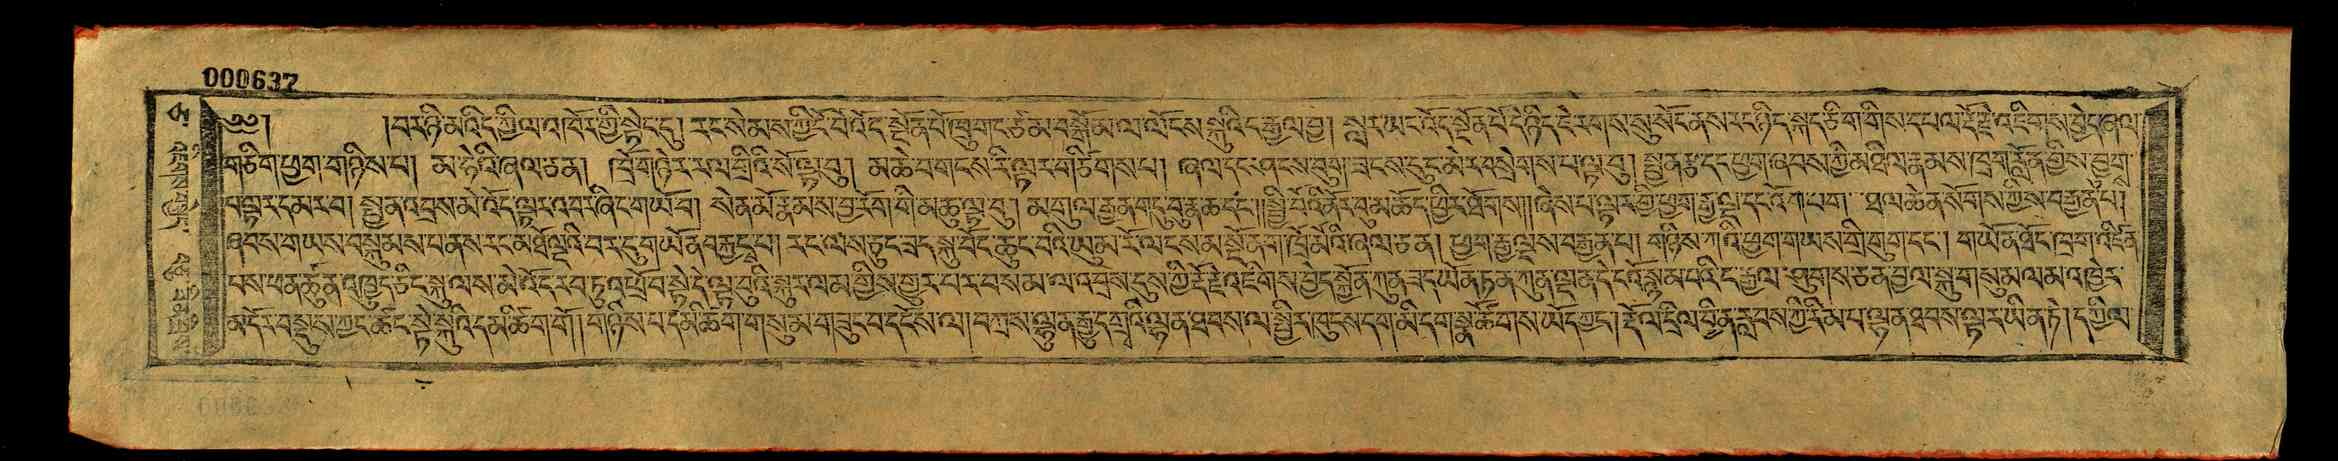༄༅། །བར་ཉི་མའི་དཀྱིལ་འཁོར་གྱི་སྟེང་དུ། རང་སེམས་ཀྱི་ངོ་བོ་འོད་སྔོན་པོ་ཁྲུ་གང་ཙམ་བསྒོམ་ལ་ལོངས་སྐུའི་ང་རྒྱལ་བྱ། སླར་ཡང་འོད་སྔོན་པོ་དེ་ཉིད་ཇེ་རགས་སུ་སོང་ནས་རང་ཉིད་སྐད་ཅིག་གིས་དཔལ་རྡོ་རྗེ་འཇིགས་བྱེད་ཞལ་
གཅིག་ཕྱག་གཉིས་པ། མ་ཧེའི་ཞལ་ཅན། ཁྲོ་གཉེར་རལ་གྲིའི་སོ་ལྟ་བུ། མཆེ་བ་གངས་རི་ལྟར་གཙིགས་པ། ཞལ་དང་ཤངས་བུག་ཟངས་དུང་མེར་བསྲེགས་པ་ལྟ་བུ། སྤྱན་རྩ་དང་ཕྱག་ཞབས་ཀྱི་མཐིལ་རྣམས་ཁྲག་རློན་གྱིས་བྱུགས་
པ་ལྟར་དམར་བ། སྤྱན་འབྲས་མེ་འོད་ལྟར་འབར་ཞིང་གཡོ་བ། སེན་མོ་རྣམས་བྱ་རོག་གི་མཆུ་ལྟ་བུ། མགུལ་རྒྱན་གདུ་བུ་རྣ་ཆ་དང་། །སྤྱི་བོའི་ནོར་བུ་མཆོད་ཕྱིར་ཐོགས། །ཞེས་པ་ལྟར་གྱི་ཕྱག་རྒྱ་ལྔ་དང་འོག་པག་ཐལ་ཆེན་སོགས་ཀྱིས་བརྒྱན་པ།
ཞབས་གཡས་བསྐུམས་པ་ནས་རང་མཐོ་ལྔའི་བར་དུ་གཡོན་བརྐྱངས་པ། རང་ལས་ཅུང་ཟད་སྐུ་བོང་ཆུང་བའི་ཡུམ་རོ་ལངས་མ་སྔོ་ནག་ཁྲོ་མོའི་ཞལ་ཅན། ཕྱག་རྒྱ་ལྔས་བརྒྱན་པ། གཉིས་ཀའི་ཕྱག་གཡས་གྲི་གུག་དང་། གཡོན་ཐོད་ཁྲག་འཛིན་
པས་ཕན་ཚུན་འཁྱུད་ཅིང་སྐུ་ལས་མེ་འོད་རབ་ཏུ་འཕྲོ་བ་སྟེ་དེ་ལྟ་བུའི་སྐུར་ལམ་གྱིས་གྱུར་པར་བསམ་ལ་འབྲས་དུས་ཀྱི་རྡོ་རྗེ་འཇིགས་བྱེད་སྐྱོན་ཀུན་ཟད་ཡོན་ཏན་ཀུན་ལྡན་དེ་ངའོ་སྙམ་པའི་ང་རྒྱལ་ཤུགས་ཅན་བྱ་ལ་སྐུ་གསུམ་ལམ་འཁྱེར་
མདོར་བསྡུས་ཀྱང་ཚང་སྟེ་སྐུའི་དམ་ཚིག་གོ །གཉིས་པ་དམ་ཚིག་གསུམ་གཟུང་བ་དངོས་ལ། བཀྲས་ལྷུན་རྒྱུད་གྲཱའི་ལྷན་ཐབས་ལ་སྤྱིར་ཁུངས་དག་མི་དག་སྣ་ཚོགས་ཡོད་ཀྱང་། རྡོལ་དྲིལ་བྱིན་རླབས་ཀྱི་རིམ་པ་ལྷན་ཐབས་ལྟར་ཡིན་ཏེ། དཀྱིལ་